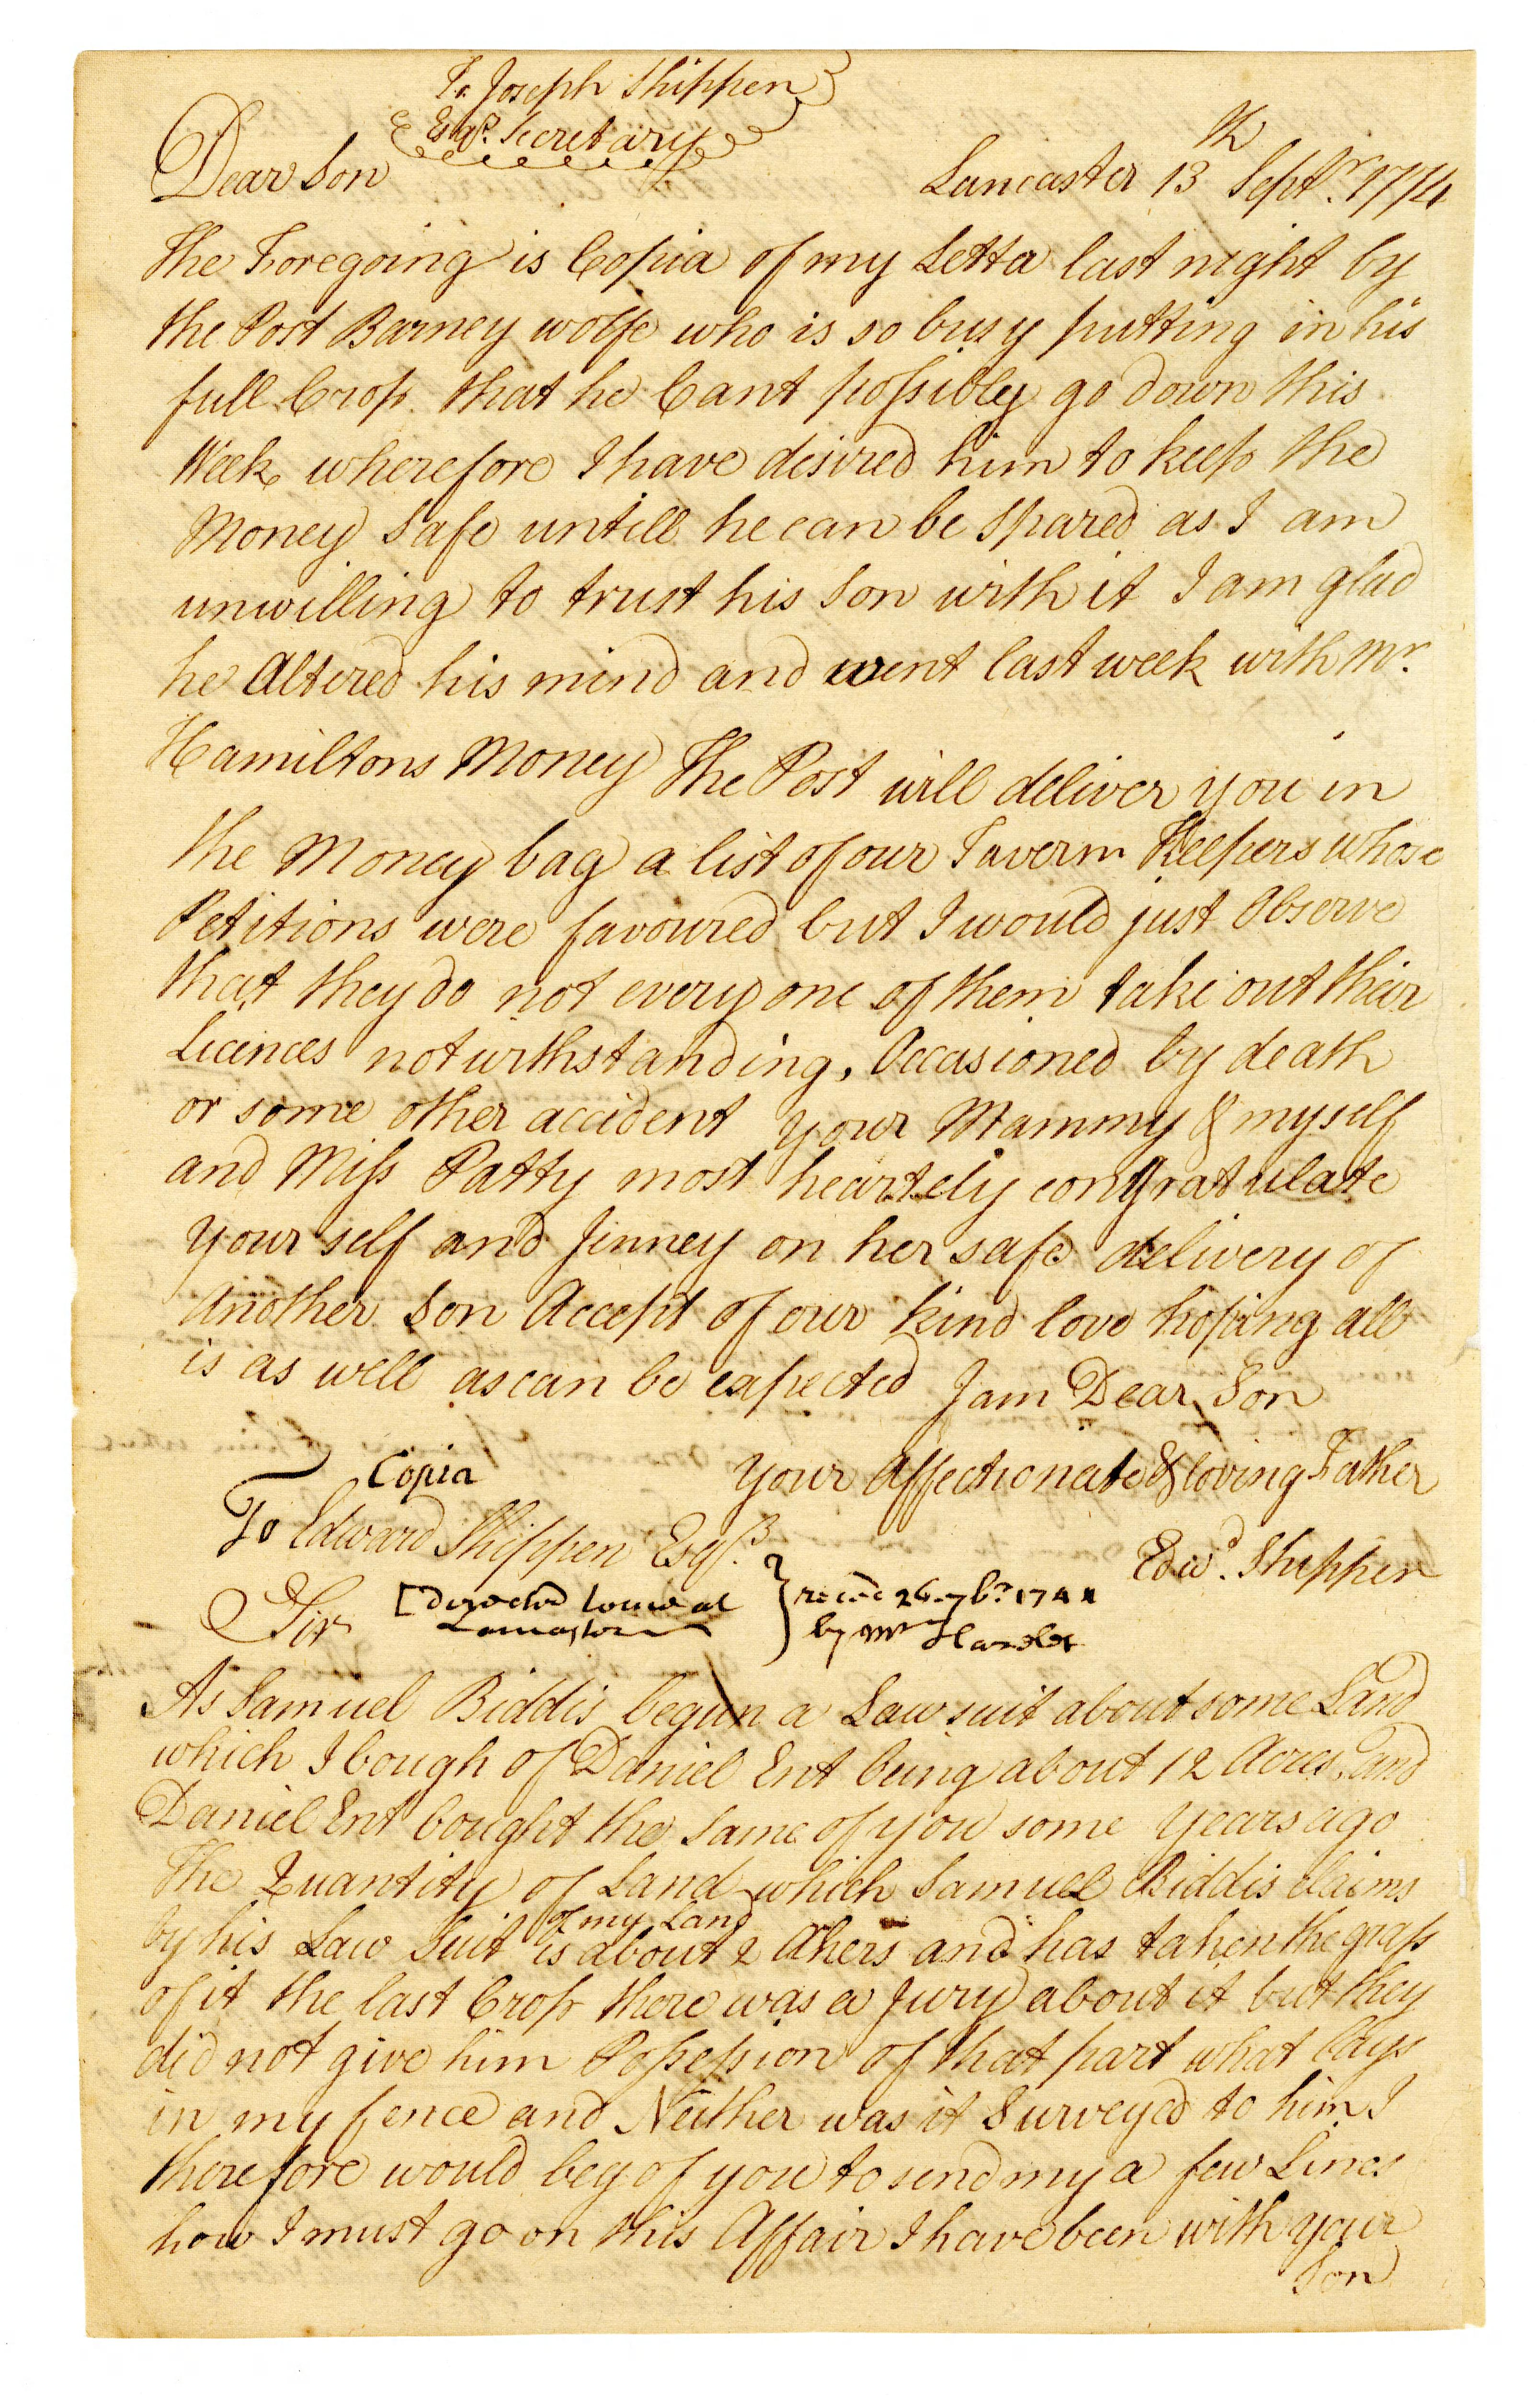To Joseph Shippen
Esq^r. Secretary
Dear Son
Lancaster 13^th Sept^r. 1774
The Foregoing is Copia of my Letter last night by
the Post Barney Wolfe who is so busy putting in his
full Cross that he Cant possibly go down this
Week wherefore I have desired him to keep the
Money Safe untill he can be spared as I am
unwilling to trust his Son with it I am glad
he Altered his mind and went last week with M^r.
Hamiltons Money
The Post will deliver you in
the Money bag a list of our Tavern Keepers whose
Petitions were favoured but I would just Observe
that they do not every one of them take out their
Licences not withstanding, Occasioned by death
or some other accident your Mammy & myself
and Miss Patty most heartely congratulate
Your self and Jenney on her safe delivery of
Another Son Accept of our kind love hoping all
is as well as can be expected
I am Dear Son
Your Affectionate & loving Father
Edw^d. Shippen
Copia
To Edward Shippen Esq^r.
(derected house at
Lancaster
rec^d 26. 7b^r. 1744
by M^r Hander
Sir
As Samuel Biddis begun a Lawsuit about some Land
which I bough of Daniel Ent being about 12 Acres, and
Daniel Ent bought the Same of you some Years ago
the Quantity of Land which Samuel Biddis claims
of my Land
by his Law Suit is about 2 Ahers and has taken the grass
of it the last Cross there was a Jury about it but they
did not give him Possession of that part what lays
in my fence and Neither was if Surveyed to him I
therefore would beg of you to send my a few Lines
how I must go on this Affair I have been with your
Son